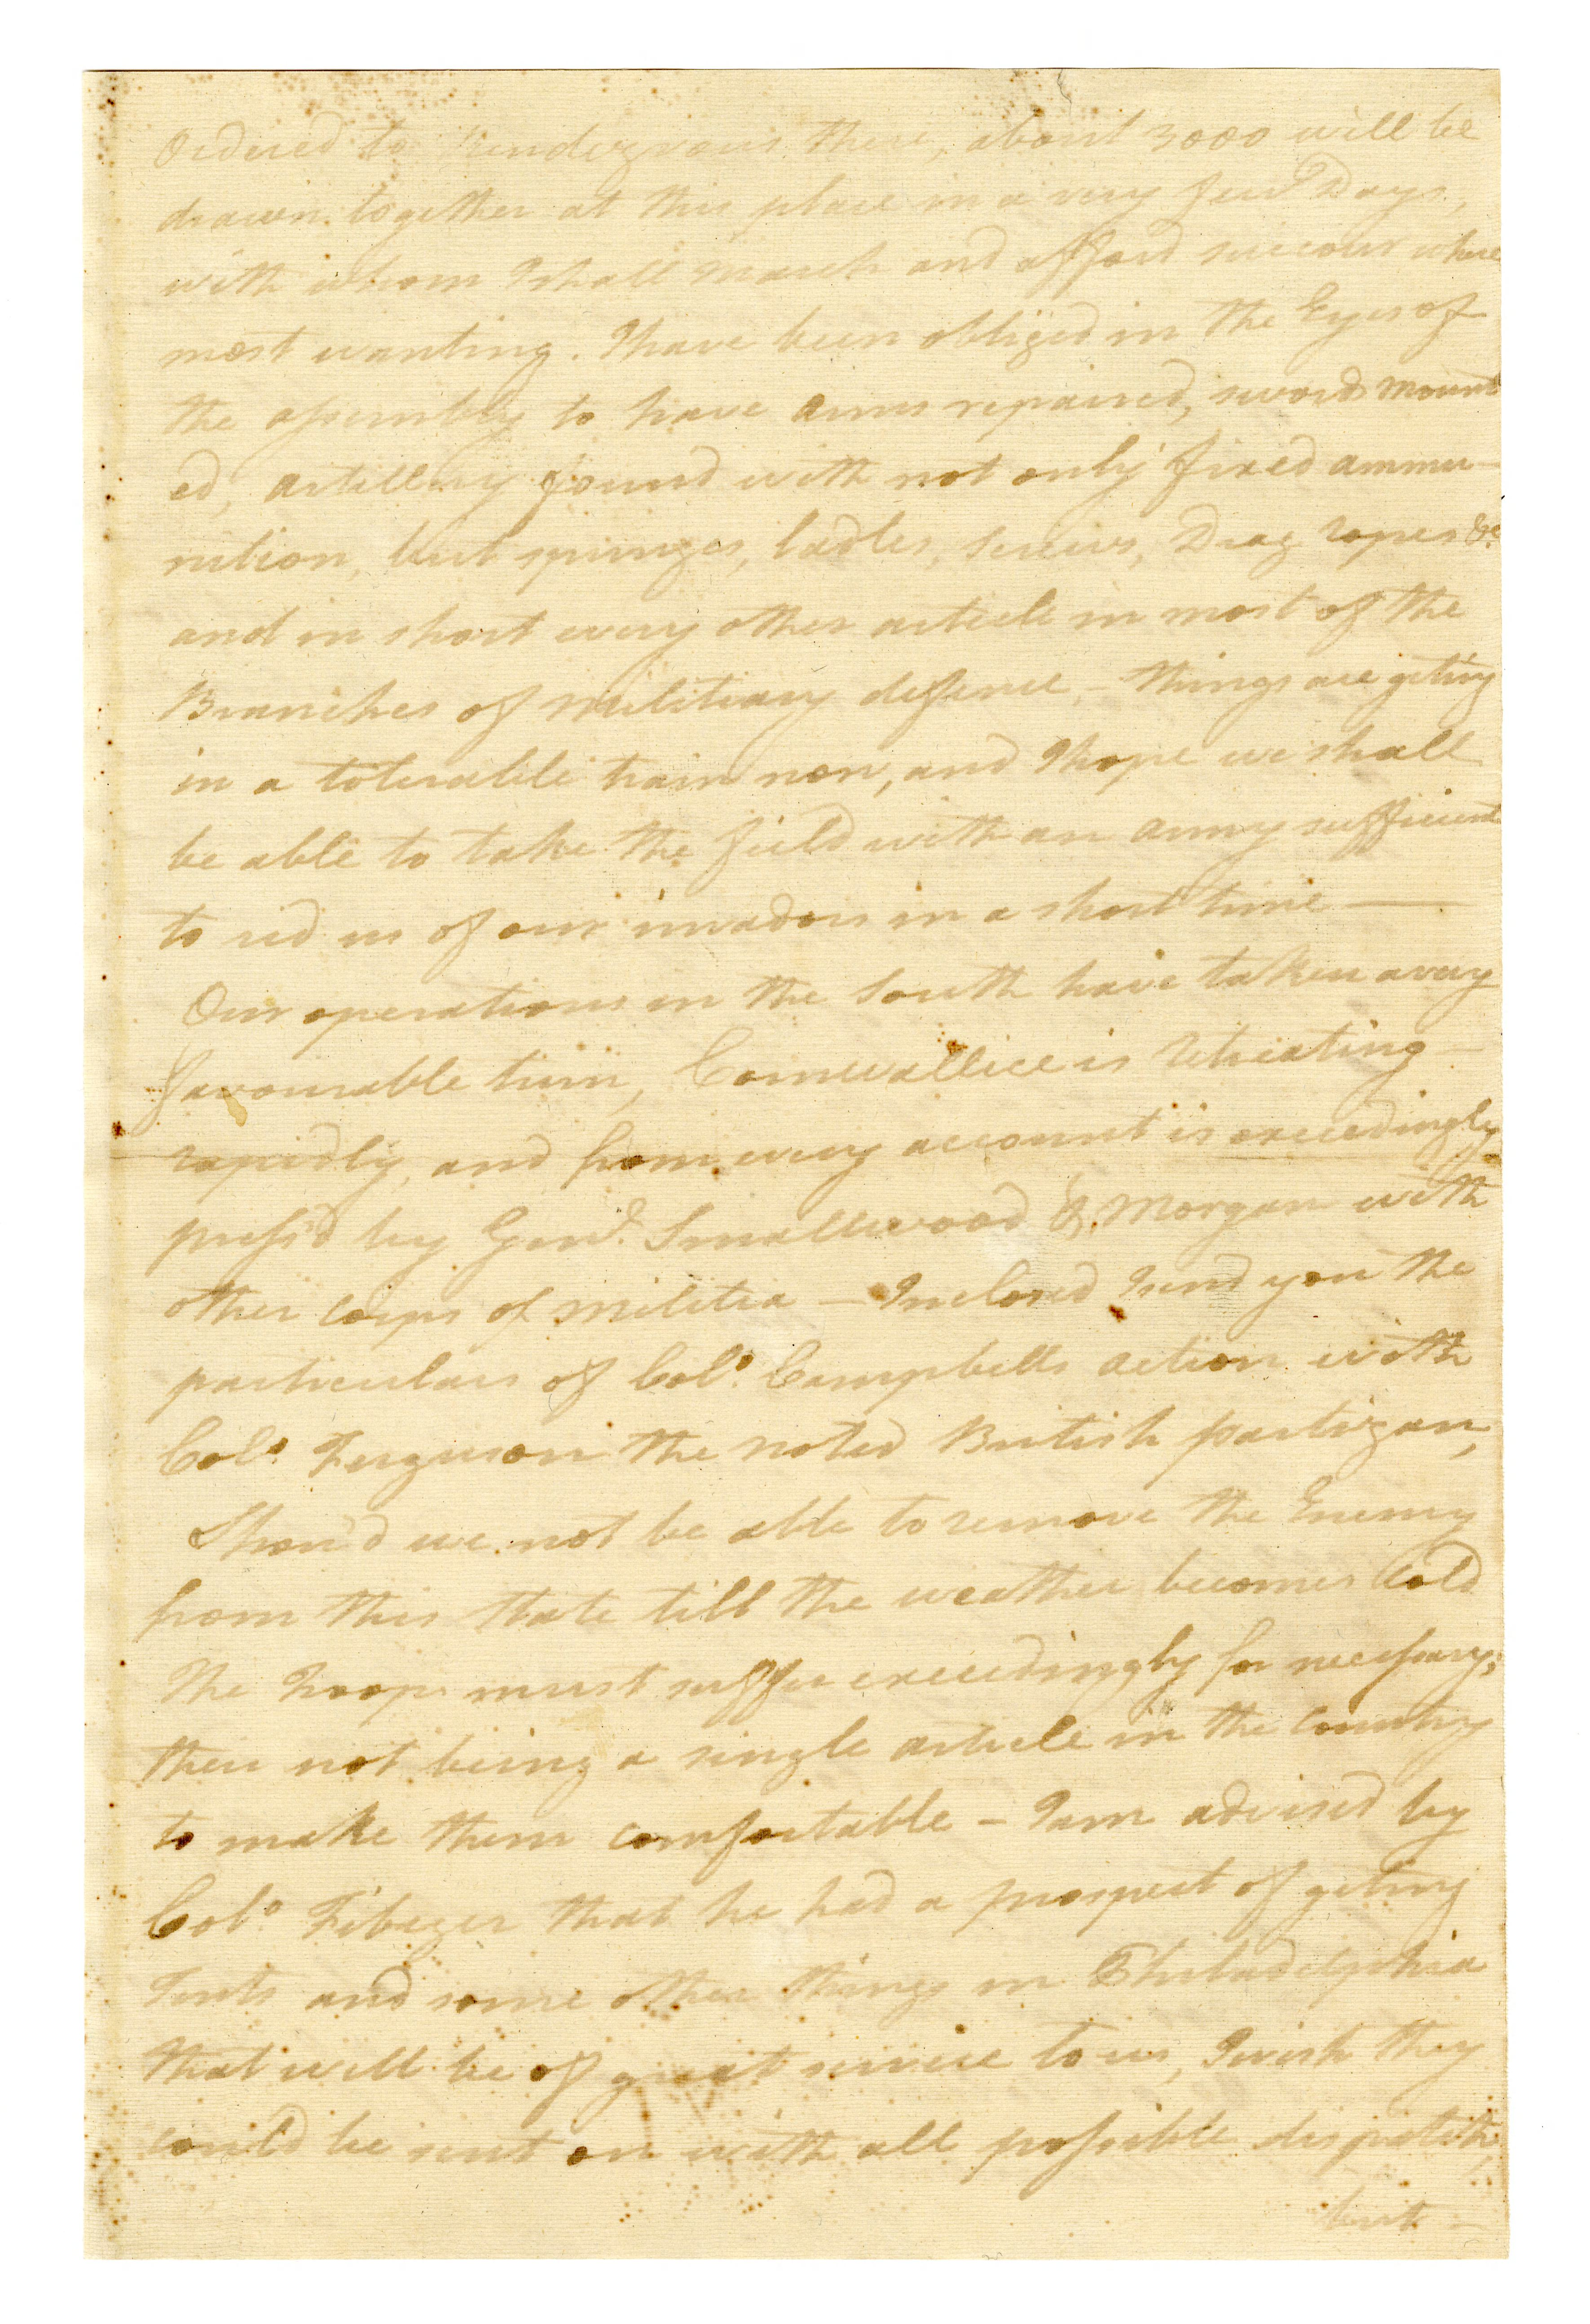ordered to rendezvous there, about 3000 will be
drawn together at this place in a very few days,
with whom I shall march and afford succour where
most wanting. I have been obliged in the Eyes of
the assembly to have arms repaired, swords mount
ed, artillery found with not only fixed ammu-
nition, but spunges, ladles, screws, Drag ropes &c.
and in short every other article in most of the
Branches of Military defense,- things are getting
in a tolerable train now, and I hope we shall
be able to take the field with an army sufficient
to rid us of our invadors in a short time-
Our operations in the South have taken a very
favourable turn, Cornwallice is retreating
rapidly and from every account is exceedingly
press'd by Gen^l Smallwood & Morgan with
other corps of militia- Inclosed I send you the
particulars of Col^o. Campbells action with
Col^o. Ferguson the noted British partizan,
Shou'd we not be able to remove the Enemy
from this state till the weather becomes cold
The Troops must suffer exceedingly for necessary;
there not being a single article in the Country
to make them comfortable- I am advised by
Col^o. Febiger that he had a prospect of geting
Tents and some other things in Philadelphia
that will be of great service to us, I wish they
could be sent on with all possible dispatch,
but